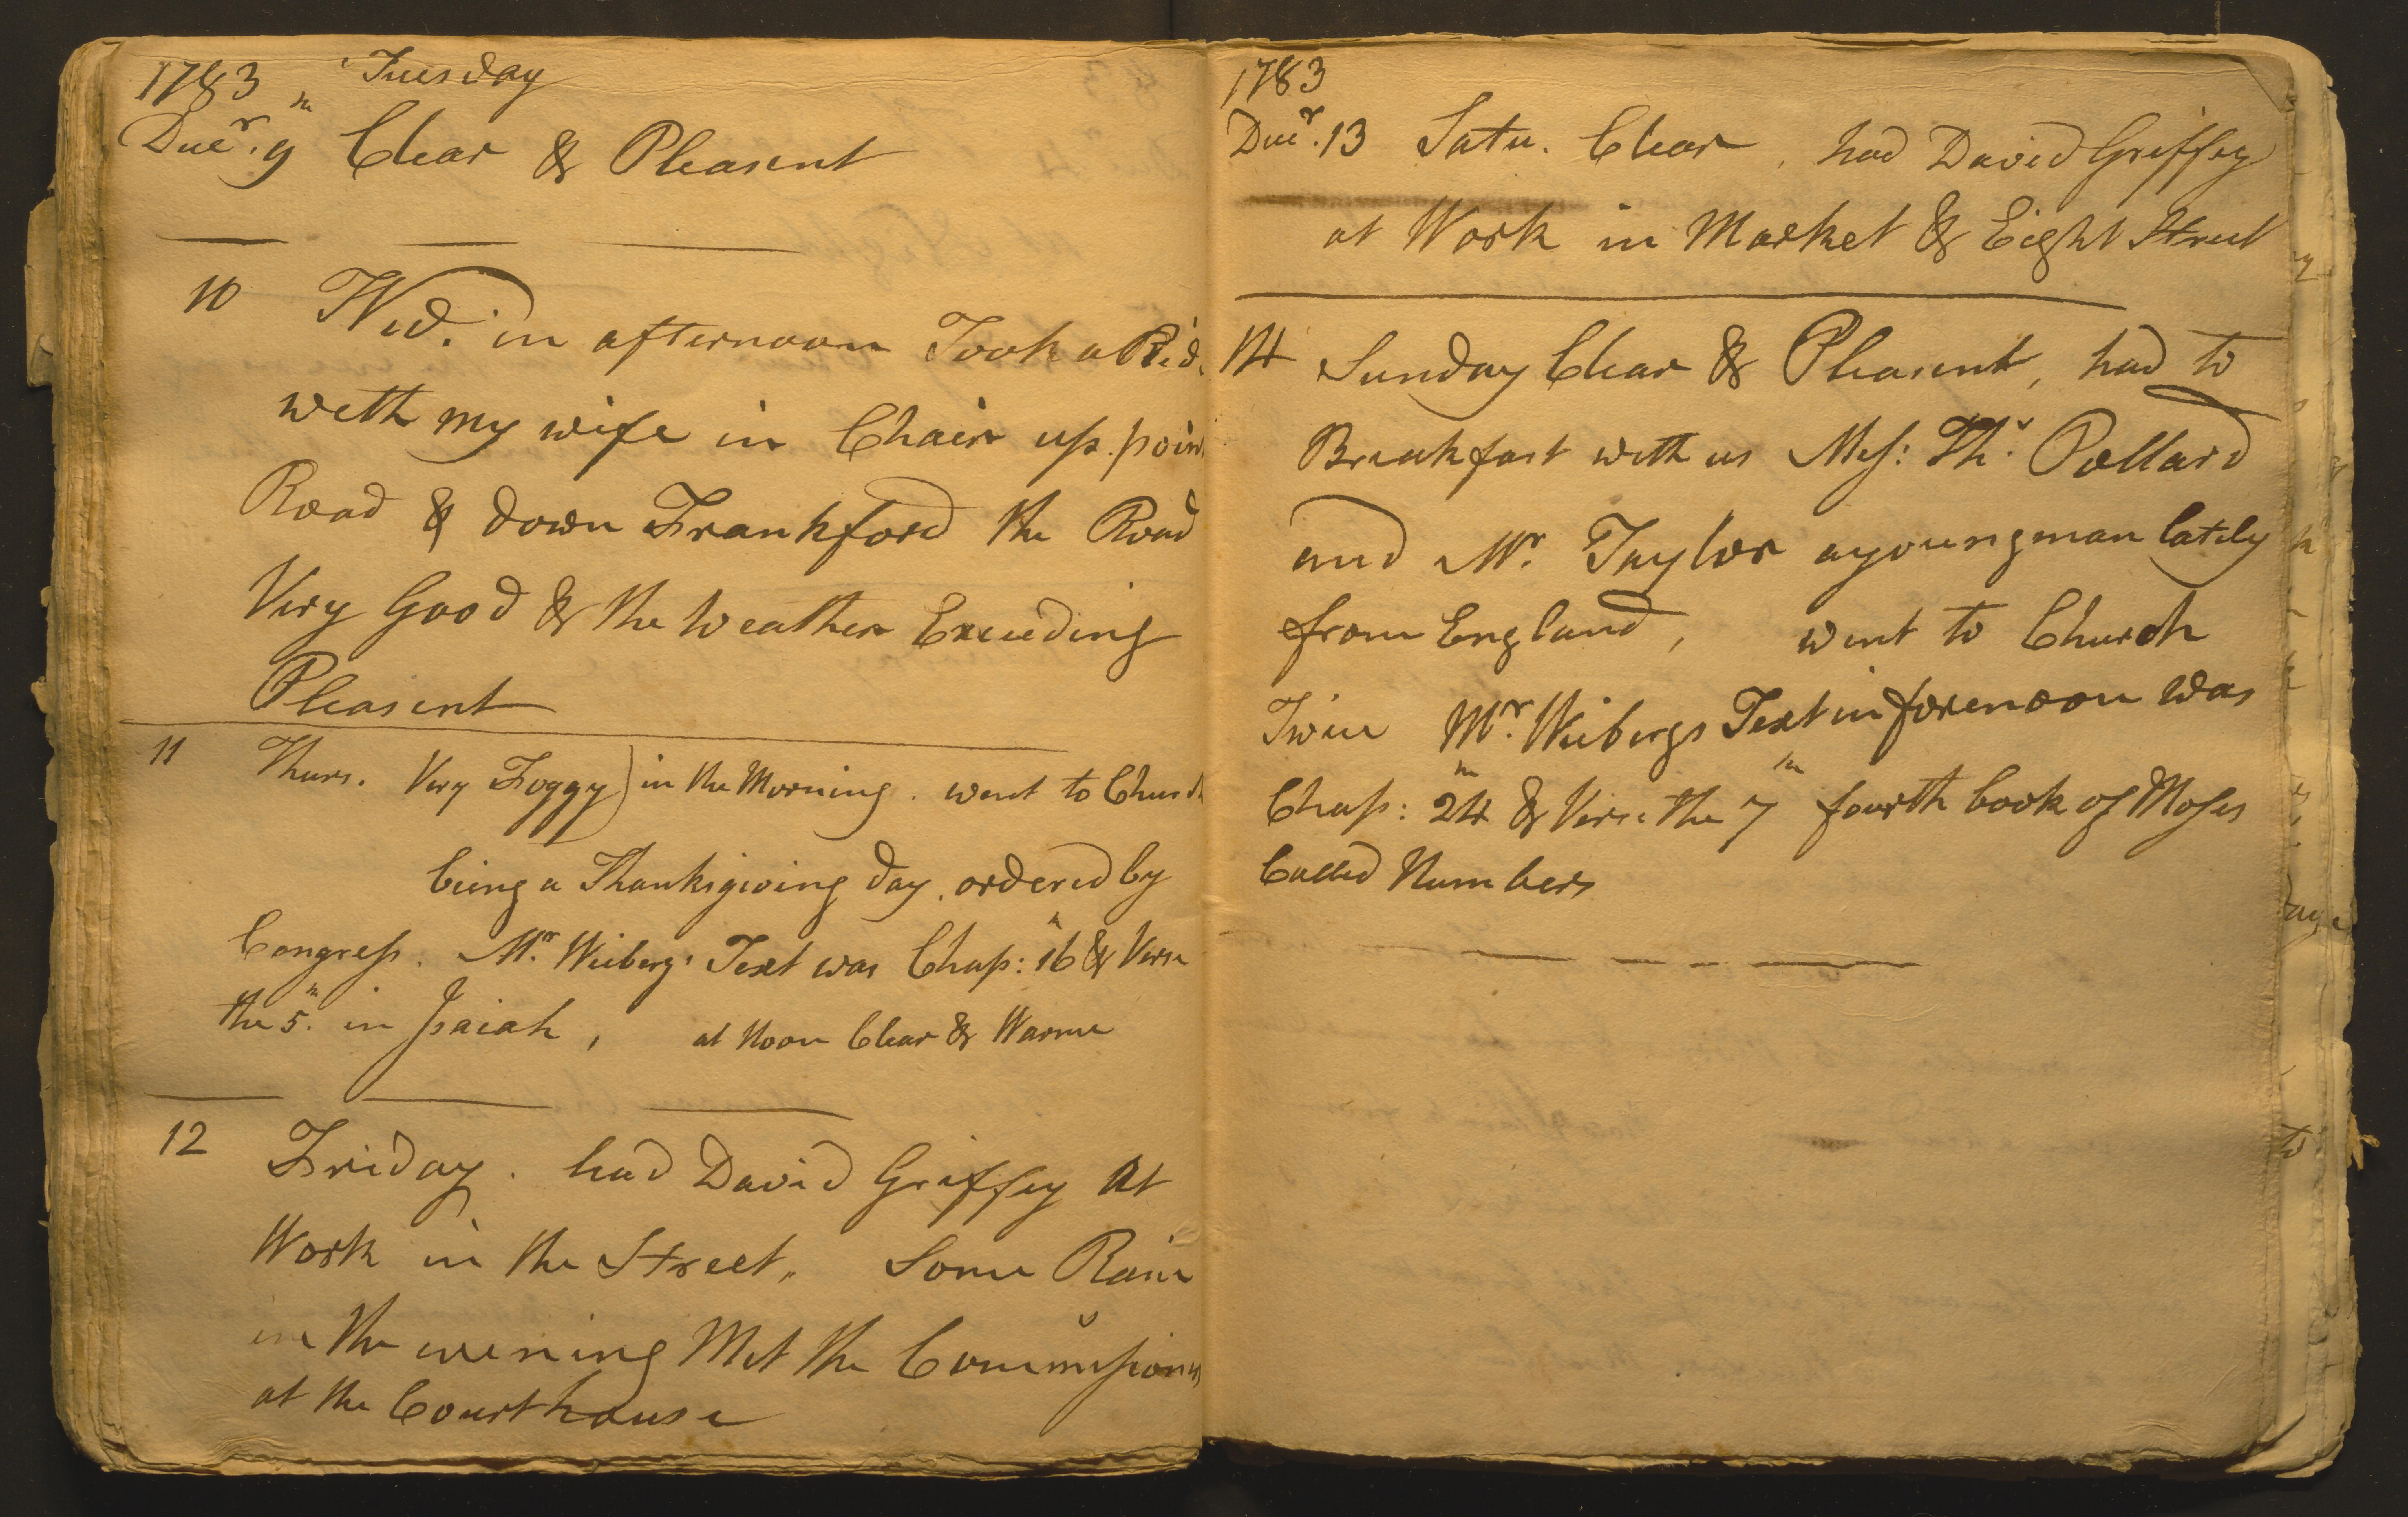1783
Tuesday
Dece^r. 9^th Clear & Pleasent
10 Wed. in afternoon Took a Ride
with my wife in Chair up point
Road & down Frankford the Road
Very Good & the Weather Exceeding
Pleasent
11 Thurs. Very Foggy) in the Morning. went to Church
being a Thanksgwing day ordered by
Congress. M^r. Weibergs Text was Chap: 16^h & Verse
the 5^th. in Isaiah, at Noon Clear & Warme
12 Friday. had David Griffey at
Work in the Street, some Rain
the evening Met the Comrmisioners
at the Courthouse
1783
Dece^r. 13 Satu. Clear had David Griffey
at Work in Market & Eight Street
14 Sunday Clear & Pleasent, had to
Breakfast with us Mes: Th^s. Pollard
and M^r. Taylor a young man lately
from England, went to Church
Twice M^r. Weibergs Text in forenoon was
Chap: 24^th & Verse the 7^th fourth book of Moses
Called Numbers